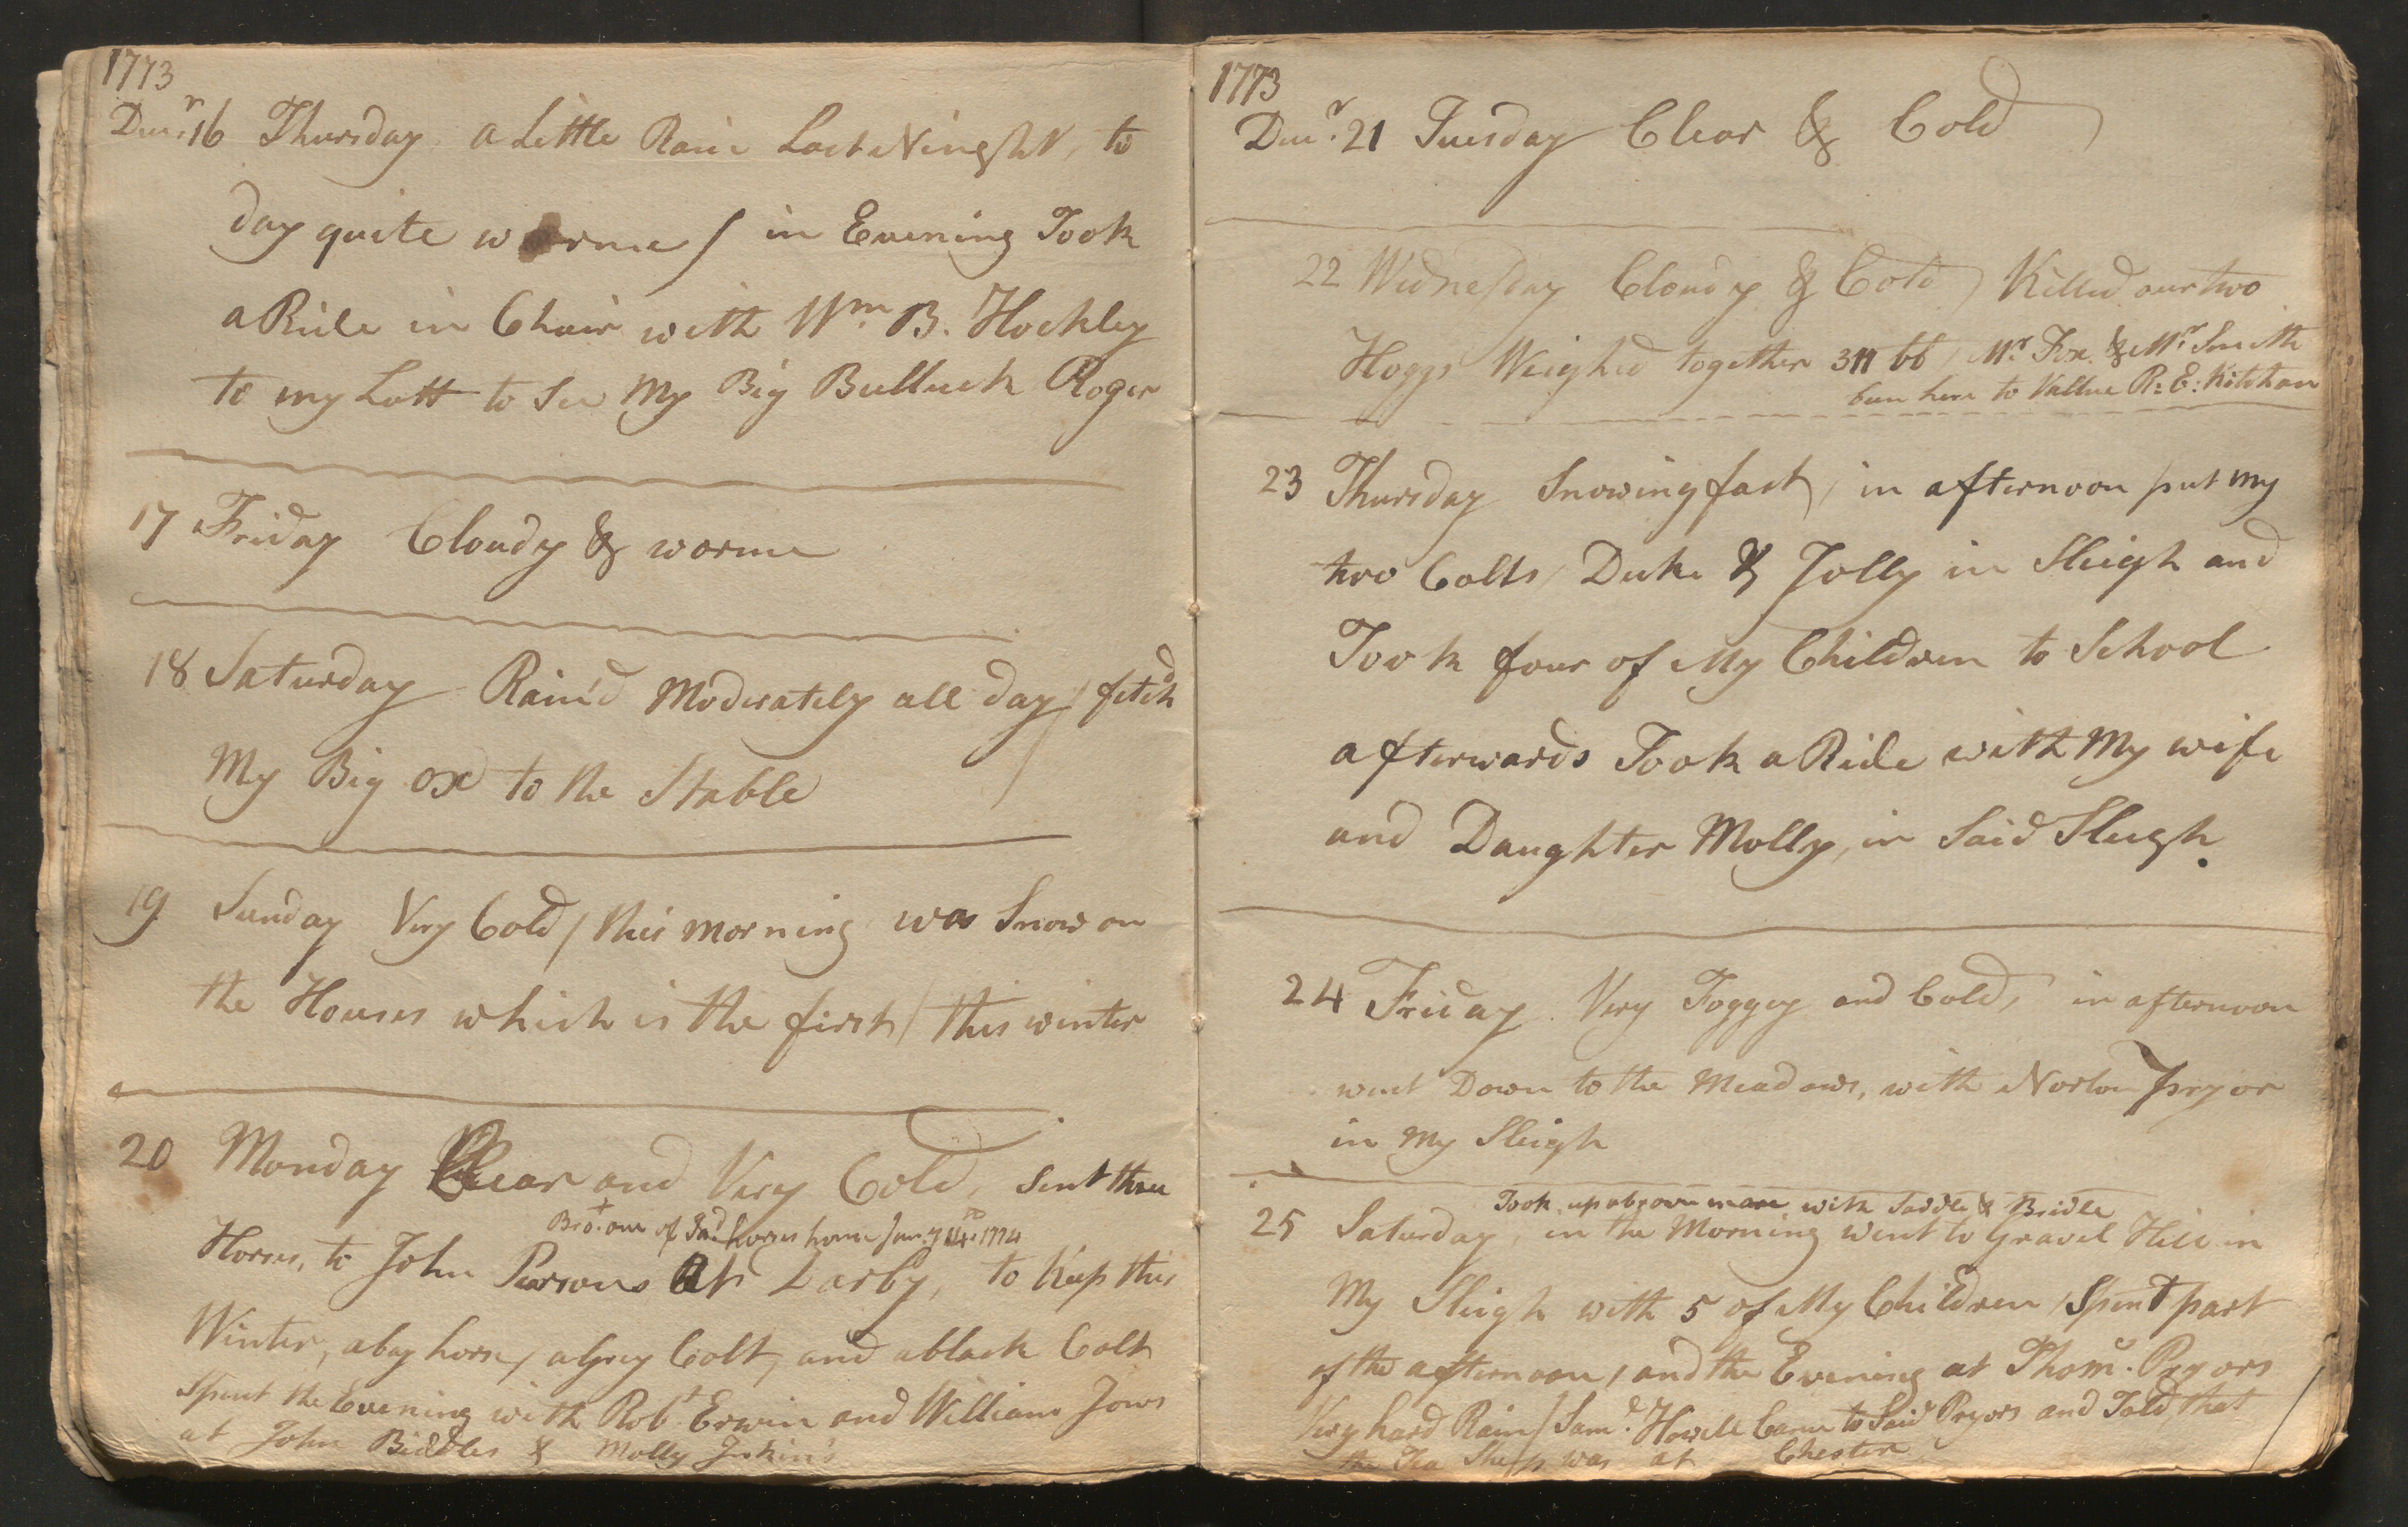1773
Dec^r. 16 Thursday a Little Rain Last Night, to
day quite warme / in Evening Took
a Ricle in Chair with W^m. B. Hockley
to my Lott to see My Big Bulluck Roger
17 Friday Cloudy & warme
18 Saturday Rain'd Moderately all day, fetch^d
My Beg ox to the Stable
19 Sunday Very Cold / this morning was snow on
the Houses which is the first / this winter
20 Monday Clear and Very Cold, sent three
Bro^t. one of sa^d. Horses home Jan^y. 14^th. 1774
Horses to John Parsons At Darby, to Keep this
Winter, a bay horse, a Grey Colt, and a black Colt
spent the Evening with Rob^t. Erwin and William Jones
at John Biddles & Molly Inkin's
1773
Dece^r. 21^th Tuesday Clear & Cold
22 Wednesday Cloudy & Cold Killed our two
Hoggs Weighed together 311 lb M^r. Fox & M^r. Smith
been her to Vallue R: E: Kitchen
23 Thursday Snowing fast in afternoon put my
hov Colts Duke & Jolly in Sleigh and
Took four of My Children to School
afterwards Took a Rice with My wife
and Daughter Molly, in Said Sleigh
24 Friday Very Foggey and Cold, in afternoon
went Down to the Meadows, with Norton pryor
in my Sleigh
25 Saturday, in the Morning went to Gravel Hill in
Took up a brown mare with Saddle & Bridle
My Sleigh with 5 of My Children spent part
of the afternoon, and the Evening at Thom^s. Pryors
Very hard Rain / Sam^l. Howell Came to Said Pryors and Told that
the Tea Ship was at Chester